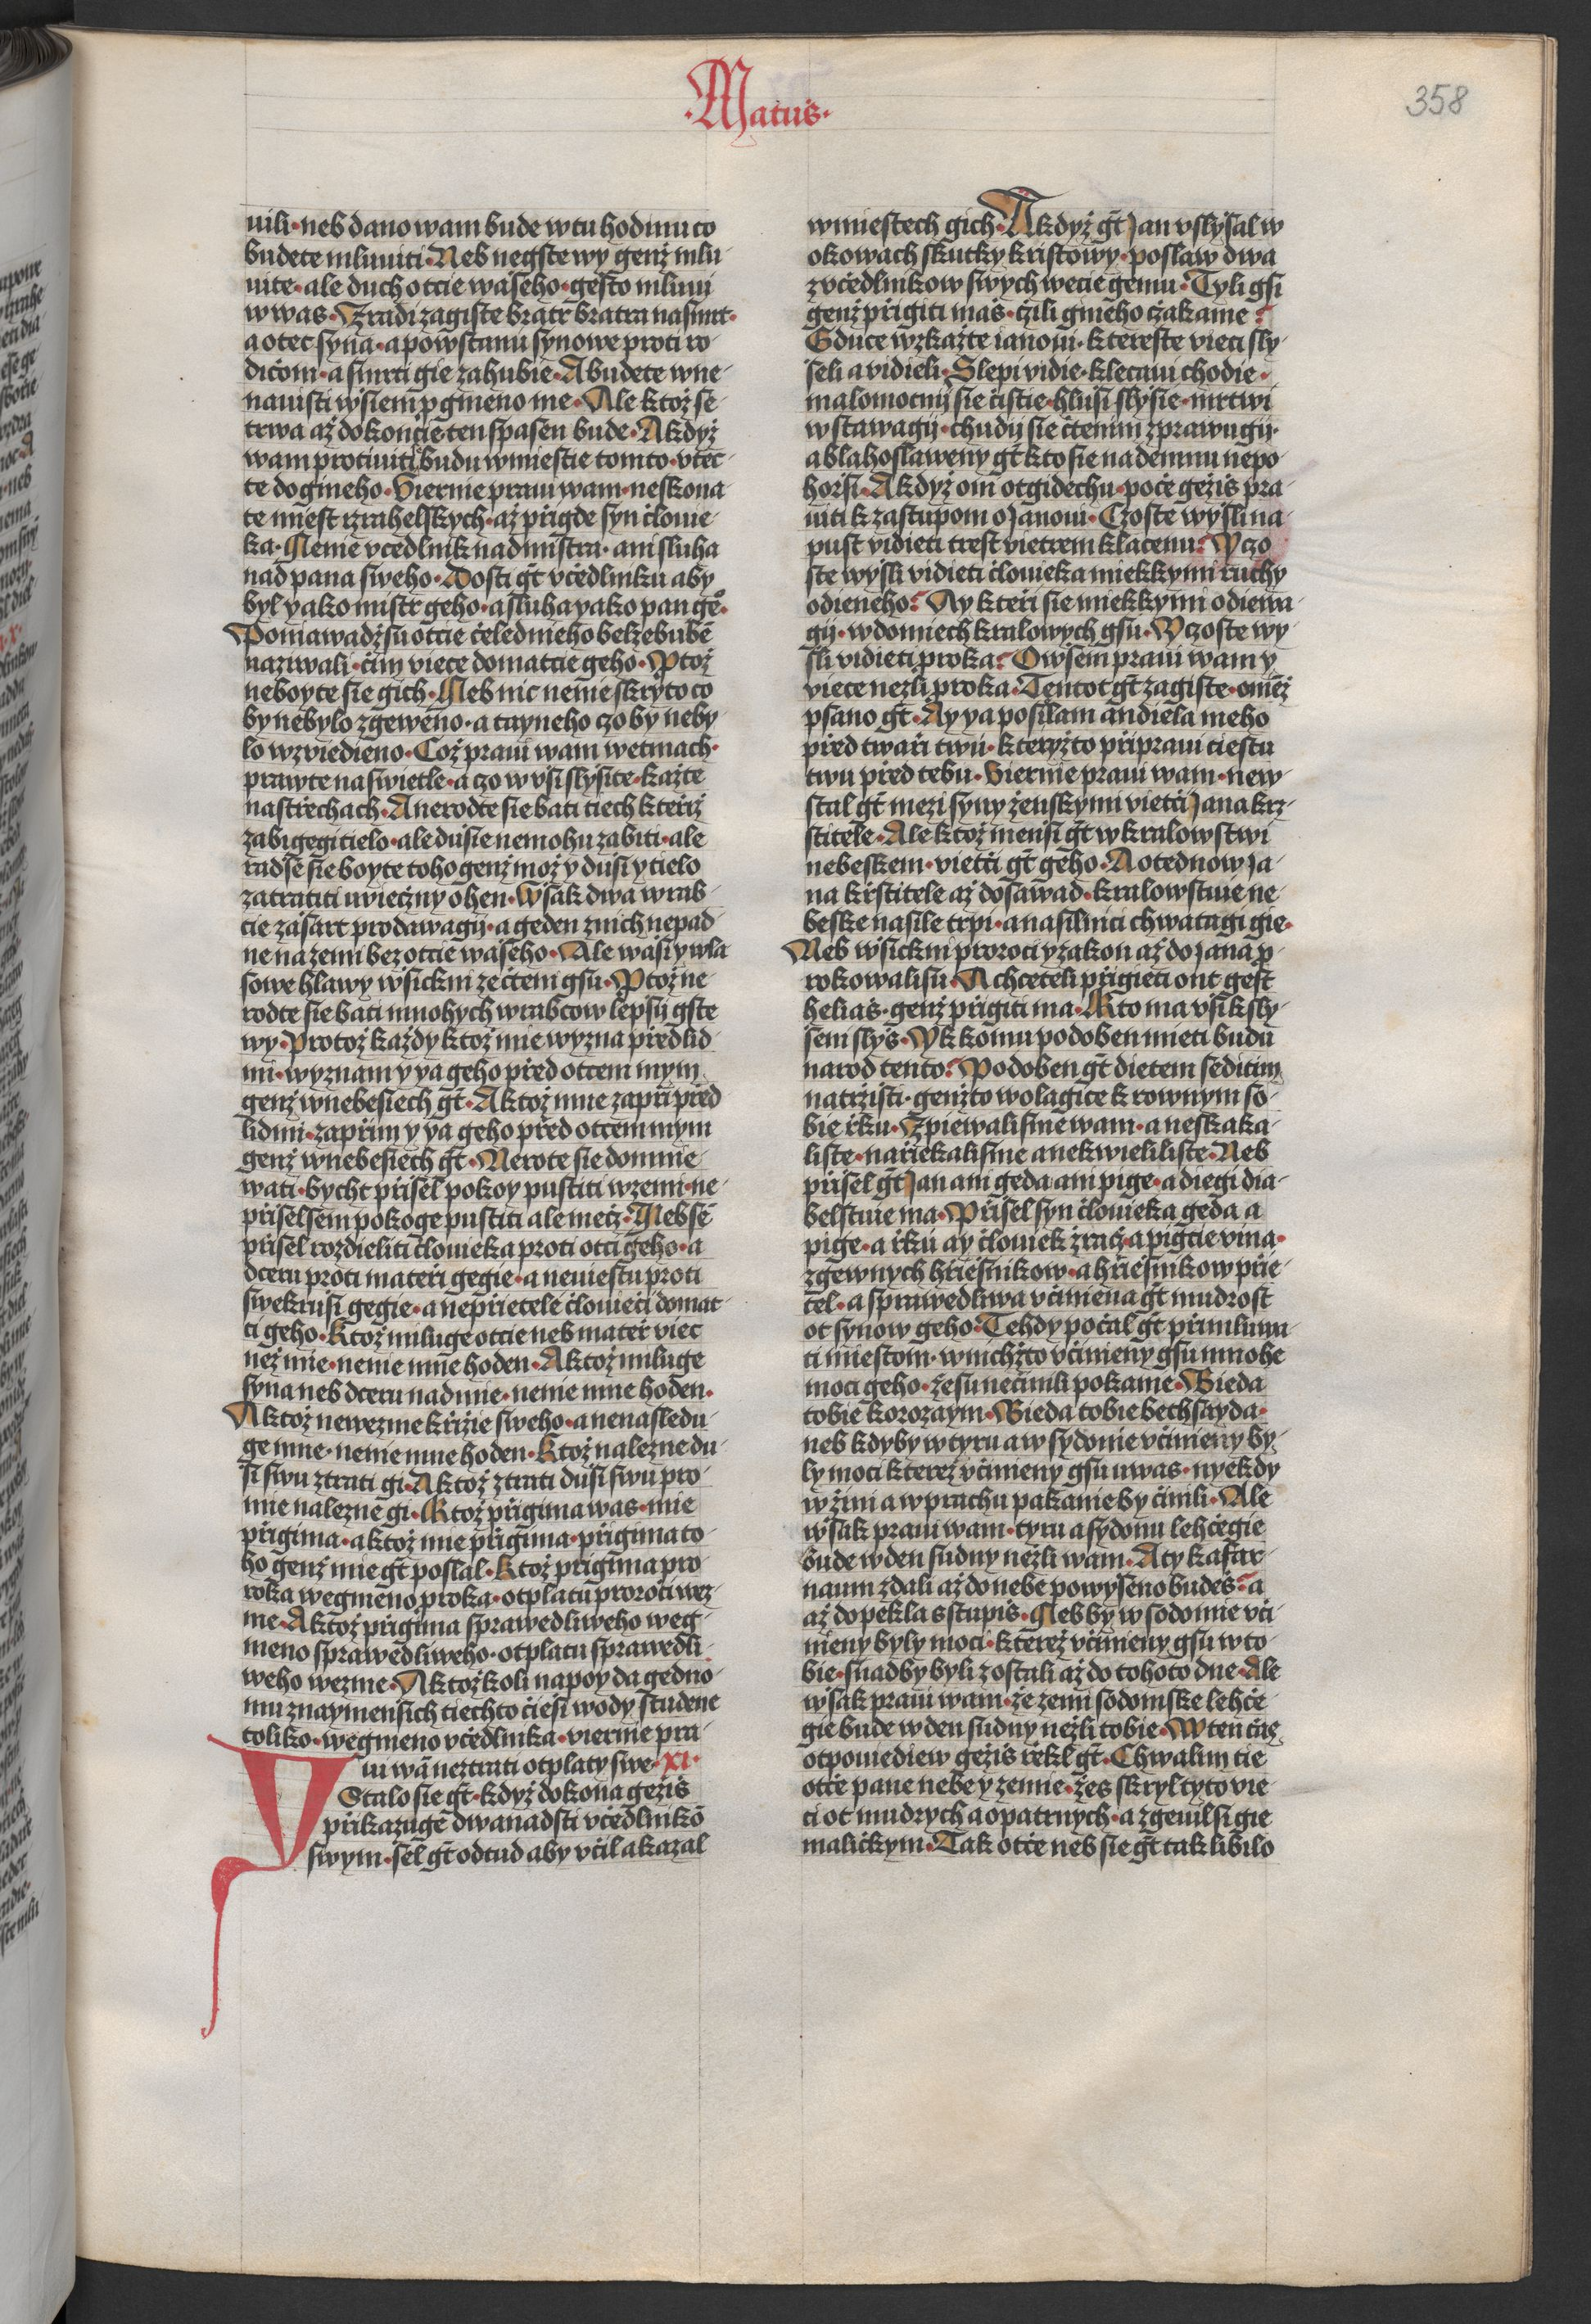.Matuṡ.
uili.eb dano pram bude wtu hodinu co
budete mluuiti.Neb negſte wy genż mlu¬
uite.ale duch otcie waẛeho geẛto mluuí
w was.Zradí zagiſte bratr bratr naſmrt.
a otec ſyna.a powſtanú ſynowe proti ro¬
diċom.a ſmrti gie zahubíe.A budetre wne¬
nauiſti wẛiem per gmeno me.Ale ktoż ſe¬
trwa až dokoncie.ten ſpaſen bude.A kdyż
wam protiuiti budu wmieſtie tomto.vtec¬
te do gíneho.Viernie praui wam.neſkona¬
te mieſt izraheſkych.aż pṙígde ſyn ċlouie¬
ka.Neníe vcedlník nad míſtra.ani ſluha
nad pana ſweho.Doſti ḡt vċedlníku aby
byl yako miſtr geho.a ſluha yako pan ḡeo.
Poniawadż ſu otcie ċeledníeho belzebubē
nazwali.ċím víece domatcie geho.Ꝓtoż
neboyte ſie gich.Neb nic neníe ſkryto co¬
by nebylo zgeweno.a tayneho czo by neby¬
lo wzviedíeno.Coż praui wam wetmach.
prawte naſwíetle.a czo w vẛi ſlyẛite.każte
naſtṙechach.Anerodte ſie bati tiech kteṙiż
zabi gegí tielo.ale duẛie nemohu zabiti.ale
radẛe ſie boyte toho genż moż y duẛi y tielo
zatratiti uviecżny ohen.Wẛak dwa wrab¬
cie zaẛart prodawagij.a geden zních nepad¬
ne na zemi bez otcie waẛeho.Ale waẛi y wla¬
ſowe hlawy wẛickni ze ċteni gſu.Ꝓtoż ne¬
rodte ſie bati mnohych wrabcow lepẛij gſte
wy.Protoż każdy ktoż mie wyzna predlid¬
mi.wyznam y ya geho pṙed otcem mym
genż wnebeſiech ḡt.Aktoż mne zapṙi pṙed
lidmi.zapṙim y ya geho před otcem mym
genż wnebeſiech ḡt.Nerote ſie domnie¬
wati.bycht pṙiẛel pokoy puſtiti wzemi.ne
pṙiẛelſem pokoge puſtiti ale mecż.Neb ſē
pṙiſel rozdíeliti ċlouieka proti otci geho.a
dceru proti mateṙi gegíe.a neuieſtu proti
ſwekruẛi gegíe.a nepṙietelé ċlouieci domat¬
cí geho.Ktoż miluge otcie neb mateṙ víec
neż mie.nenie mne hoden.A ktoż miluge
ſyna neb dceru nad mie.neníe mne hoden.
A ktoż newezme kṙiżie ſweho.a nenaſledu¬
ge mne.neníe mne hoden.Ktoż nalezne nedu¬
ẛi ſwu ztrati gi.Aktoż ztrati duẛi ſwu pro¬
mie.nalezne gi.Ktoż pṙigíma was.mie
pṙigima.a ktoż mie pṙigima.pṙigima to¬
ho genż mie ḡt poſlal.Ktoż pṙigima pro¬
roka wegmeno ꝓroka.otplatu proroċí wez¬
me.A ktoż pṙigima ſprawedliweho weg¬
meno ſprawedlíweho.otplatu ſprawedli¬
weho wezme.Aktożkoli napoy da gedno¬
mu znaymenẛich tiechto ċíeẛi wody ſtudene
toliko.wegmeno vċedlníka.viernie pra¬
ui wā neztrati otplaty ſwe.xi.
Stalo ſie ḡt.kdyż dokona geżíṡ
pṙikazuge dwanadſti vċedlníkō
ſwym.ſel ḡt odtud aby vċil a kazal
wmieſtech gich. A kdyż ḡt Ian vſlyẛal w
okowach ſkutky kriſtowy.poſlaw dwa
zvċedlníkow ſwych wecie gemu.Tyli gſi
genż pṙigiti maṡ.cżili gineho cżakame?
Gduce wzkażte ianoui.ktereſte vieci ſly¬
ẛeli a vidieli.Slepí vidíe.klecaui chodíe.
malomocnij ſie ċiſtie.hluẛi ſlyẛie.mrtwí
wſtawagij.chudij ſie ċtenim zprawugij.
a blahoſlaweny ḡt kto ſie nademnu nepo¬
horẛi.Akdyż oni otgidechu.poċe geżiṡ pra¬
uiti k zaſtupom o Ianoui.Czoſte wyẛli na¬
puſt vidieti treſt vietrem klacenu?Yczo
ſte wyẛli vidieti ċlouieka miekkymi ruchy
odieneho?Ay kteṙí ſie niekkymi odiewa¬
gij.wdomiech kralowych gſu.Yczo ſte wy¬
ẛli vidieti ꝓroka?Owẛem praui wam y
víece neżli ꝓroka.Tento ḡt zagiſte.oniēż
pſano ḡt.Ay ya poſilam andiela meho¬
pṙed twaṙi twú.kteryżto pṙipraui cieſtu
twu pṙed tebu.Viernie praui wam.new¬
ſtal ḡt mezi ſyny żenſkymi vietċí Iana krz¬
ſtitele.Ale ktoż menẛí ḡt wkralowſtwí
nebeſkem.vietčí ḡt geho.A otednow Ia¬
na kṙſtitele aż doſawad.kralowſtuíe ne¬
beſke naſile trpí.a naſilníci chwatagí gie.
Neb wẛlckni proroci y zakon aż do Jana ꝓ¬
rokowali ſu.A chceteli pṙigieti ont geſt
heliaṡ.genż pṙigiti ma.Kto ma vẛik ſly¬
ẛení ſlyṡ.Y komu podoben míeti budu
narod tento?Podoben ḡt dietem ſedícim
natrżiẛti.genżto wolagíce k rownym ſo¬
bie ṙku.Zpíewali ſme wam.a neſkaka¬
liſte.naṙiekali ſme anekwieliſte.Neb
pṙiẛel ḡt Ian ani geda ani pige.a diegí dia¬
belſtuie ma.Pṙiẛel ſyn ċlouieka geda a
pige.a ṙkú ay ċlouiek żracż.a pigtie vína.
zgewnych hṙieẛnikow.a hṙieẛníkow pṙíe¬
tel.a ſprawedliwa vċiniena ḡt mudroſt
ot ſynow geho.Tehdy poċal ḡt pṙimluwa¬
ti mieſtom.wnichżto uċínieny gſu mnohe
moci geho.żeſu neċinili pokanie.Bieda
tobie korozaym.Bieda tobie bethſayda.
neb kdyby w tyru a w ſydonie vċinieny by¬
ly moci ktereż vċinieny gſu uwas.nyekdy
w żíni a w prachu pakanie by ċinili.Ale
wẛak praui wam.tyru a ſydonu lehċegíe
bude to wden ſudny neżli wam.A ty kafar¬
naum zdali aż do nebe powyẛeno budeṡ?a
aż dopekla sſtupiṡ.Neb by w ſodomie vċi¬
nieny byly moci.ktereż vċinieny gſu w to¬
bie.ſnad by byli zoſtali aż do tohoto dne.Ale
wẛak praui wam.że zemi ſodomſke lehċe¬
gie bude w den ſudny neżli tobie.Wten ċas
otpouiediew geżíṡ ṙekl ḡt.Chwalim tie
otċe pane nebe y zemie.żes ſkryl tyto vie¬
ci ot mudrych a opatrnych.a zgeuil ſi gie
maliċkym.Tak otċe neb ſie ḡt tak libilo